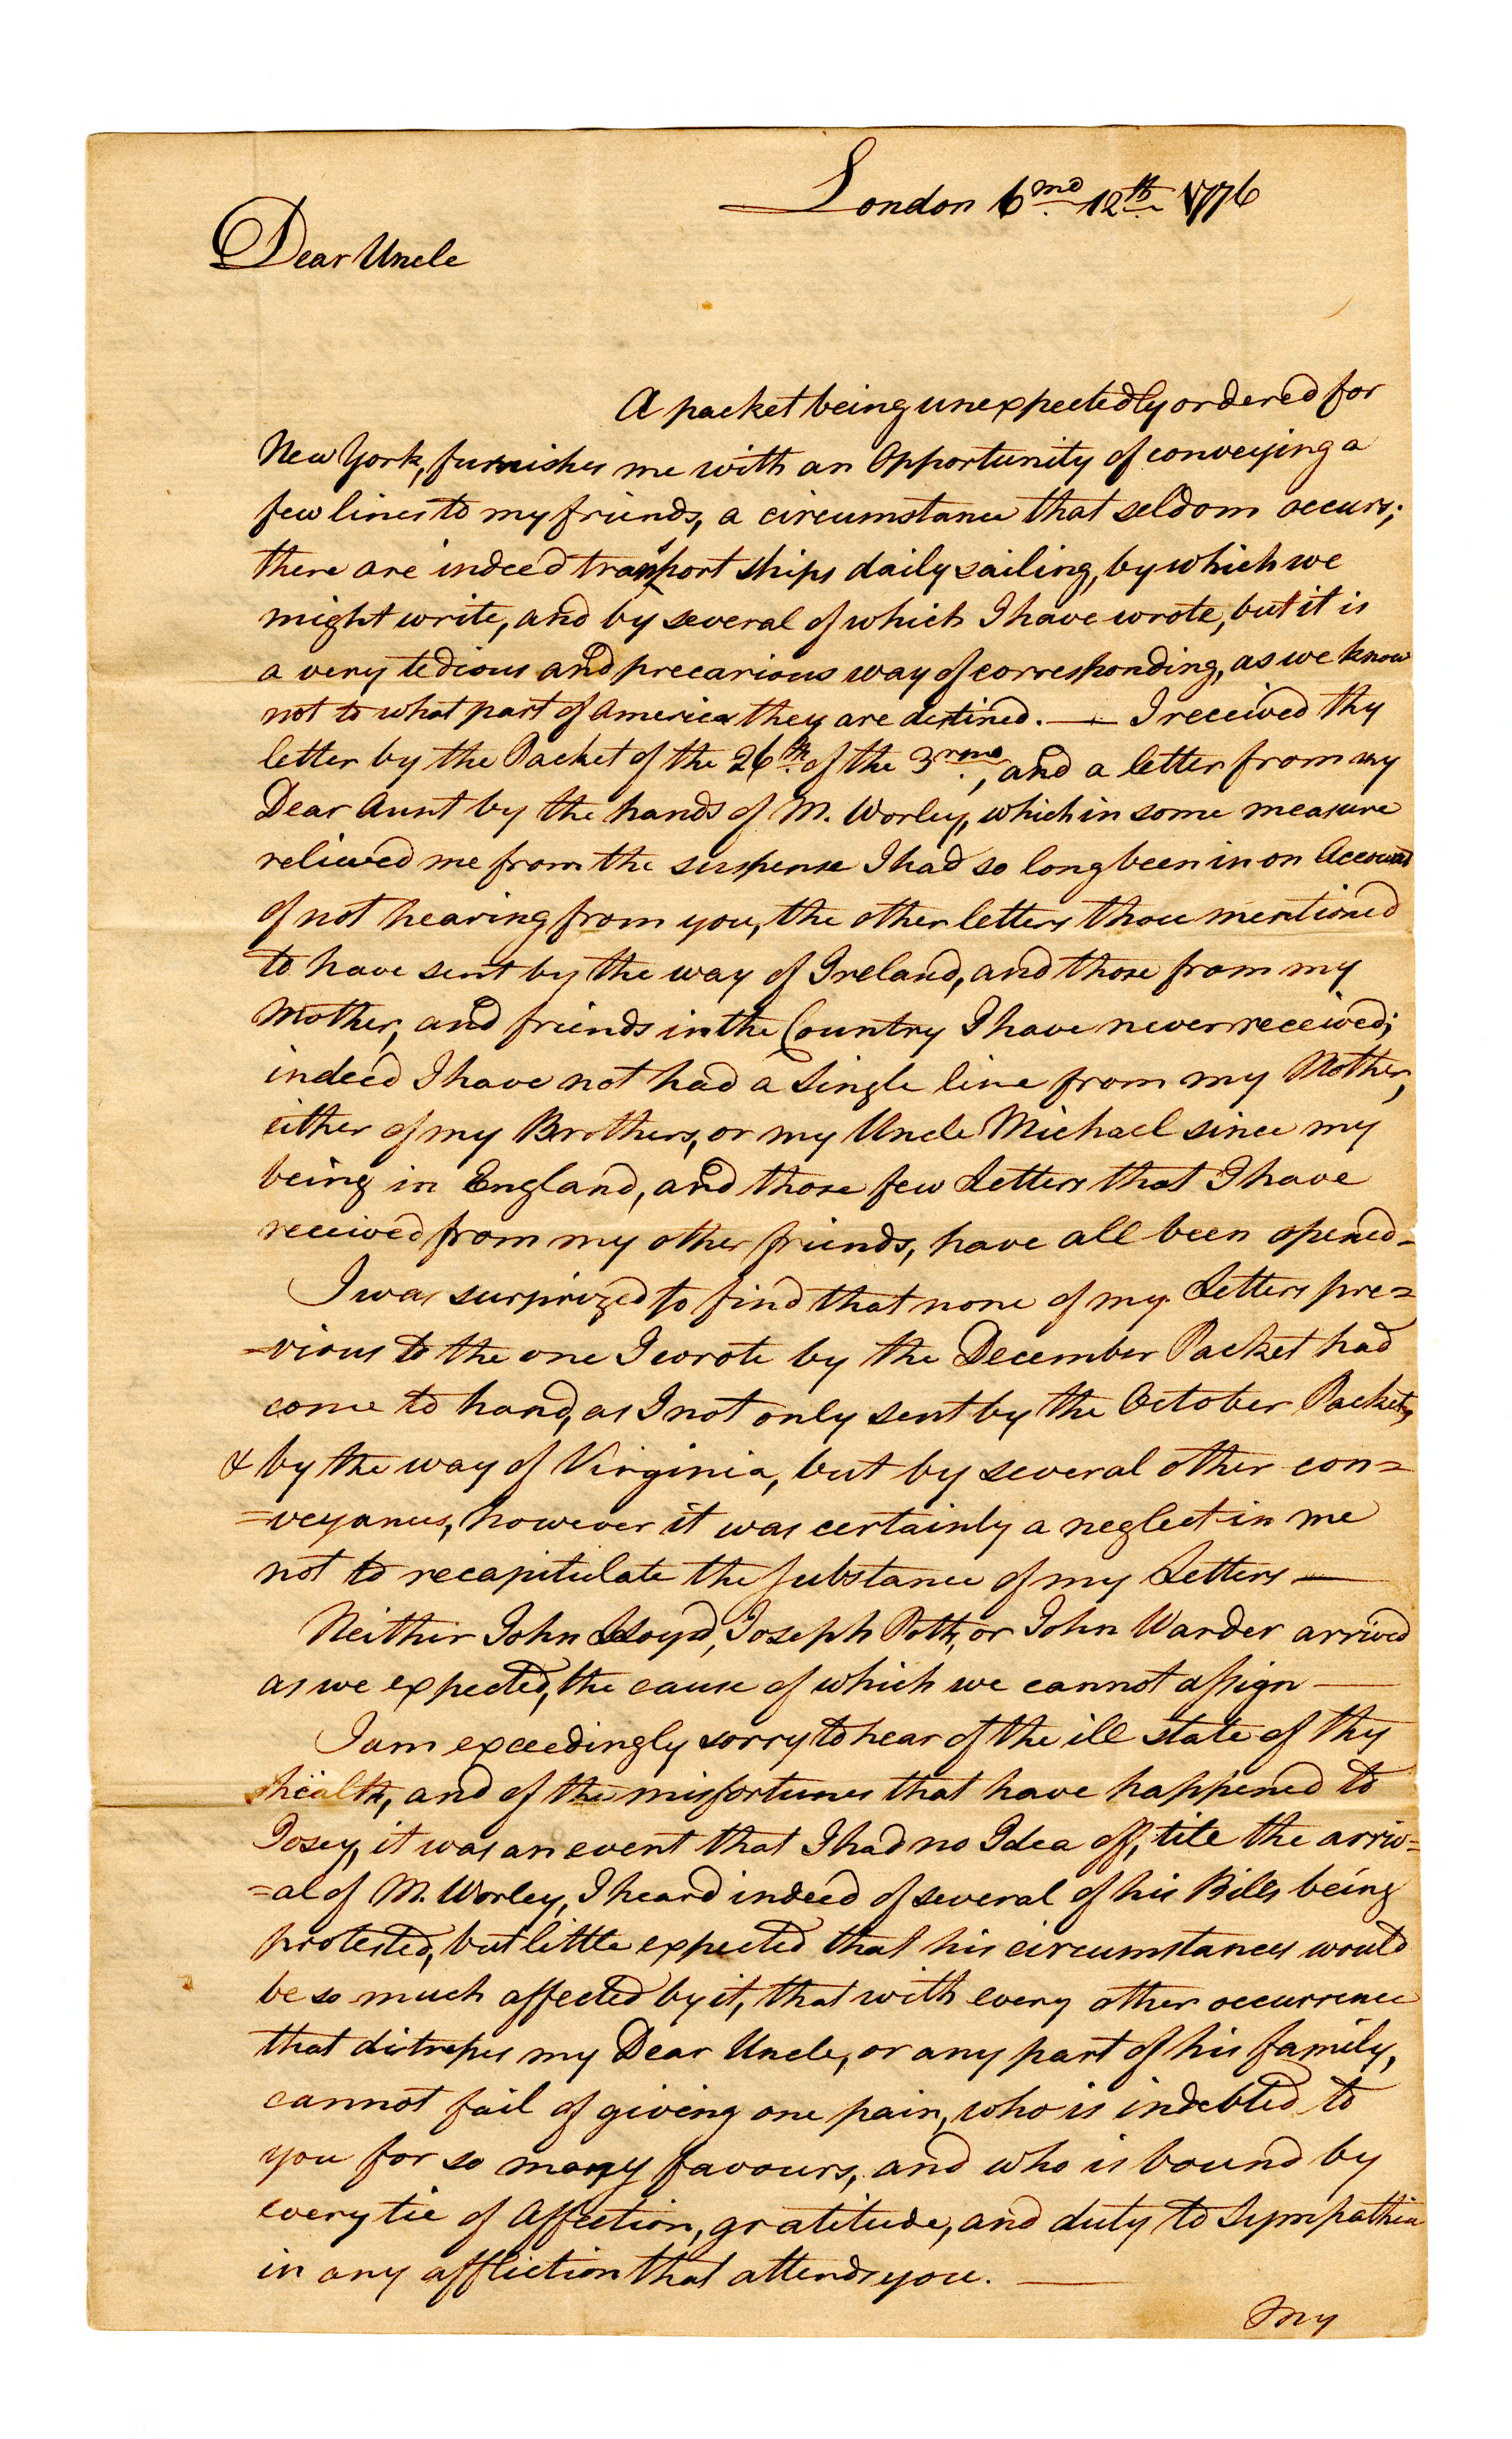London 6^mo. 12^th. 1776
Dear Uncle
A packet being unexpectedly ordered for
New York, furnishes me with an opportunity of conveying a
few lines to my friends, a circumstance that seldom occurs;
there are indeed tran^sport ships daily sailing, by which we
might write, and by several of which I have wrote, but it is
a very tedious and precarious way of corresponding, as we know
not to what part of America they are destined.- I received thy
letter by the Packet of the 26^th. of of the 3^rmo, and a letter from my
Dear Aunt by the hands of M. Worley, which in some measure
relieved me from the suspense I had so long been in on Account
of not hearing from you, the other letters thou mentioned
to have sent by the way of Ireland, and those from my
Mother, and friends in the Country I have never received;
indeed I have not had a Single line from my Mother,
either of my Brothers, or my Uncle Michael since my
being in England, and those few Letters that I have
received from my other friends, have all been opened-
I was surprized to find that none of my Letters pre-
-vious to the one I wrote by the December Packet had
come to hand, as I not only sent by the October Packet,
& by way of Virginia, but by several other con-
veyances, however it was certainly a neglect in me
not to recapitulate the substance of my Letters-
Neither John Lloyd, Joseph Potts, or John Warder arrived
as we expected, the cause of which we cannot assign-
I am exceedingly sorry to hear of the ill state of thy
health, and of the misfortunes that have happened to
Josey, it was an event that I had no Idea off, till the arriv-
-al of M. Worley, I heard indeed of several of his Bills being
protected, but little expected that his circumstances would
be so much affected by it, that with every other occurrence
that distresses my Dear Uncle, or any part of his family,
cannot fail of giving one pain, who is indebted to
you for so many favours, and who is bound by
every tie of Affection, gratitude, and duty to sympathize
in any affliction that attends you.-
My